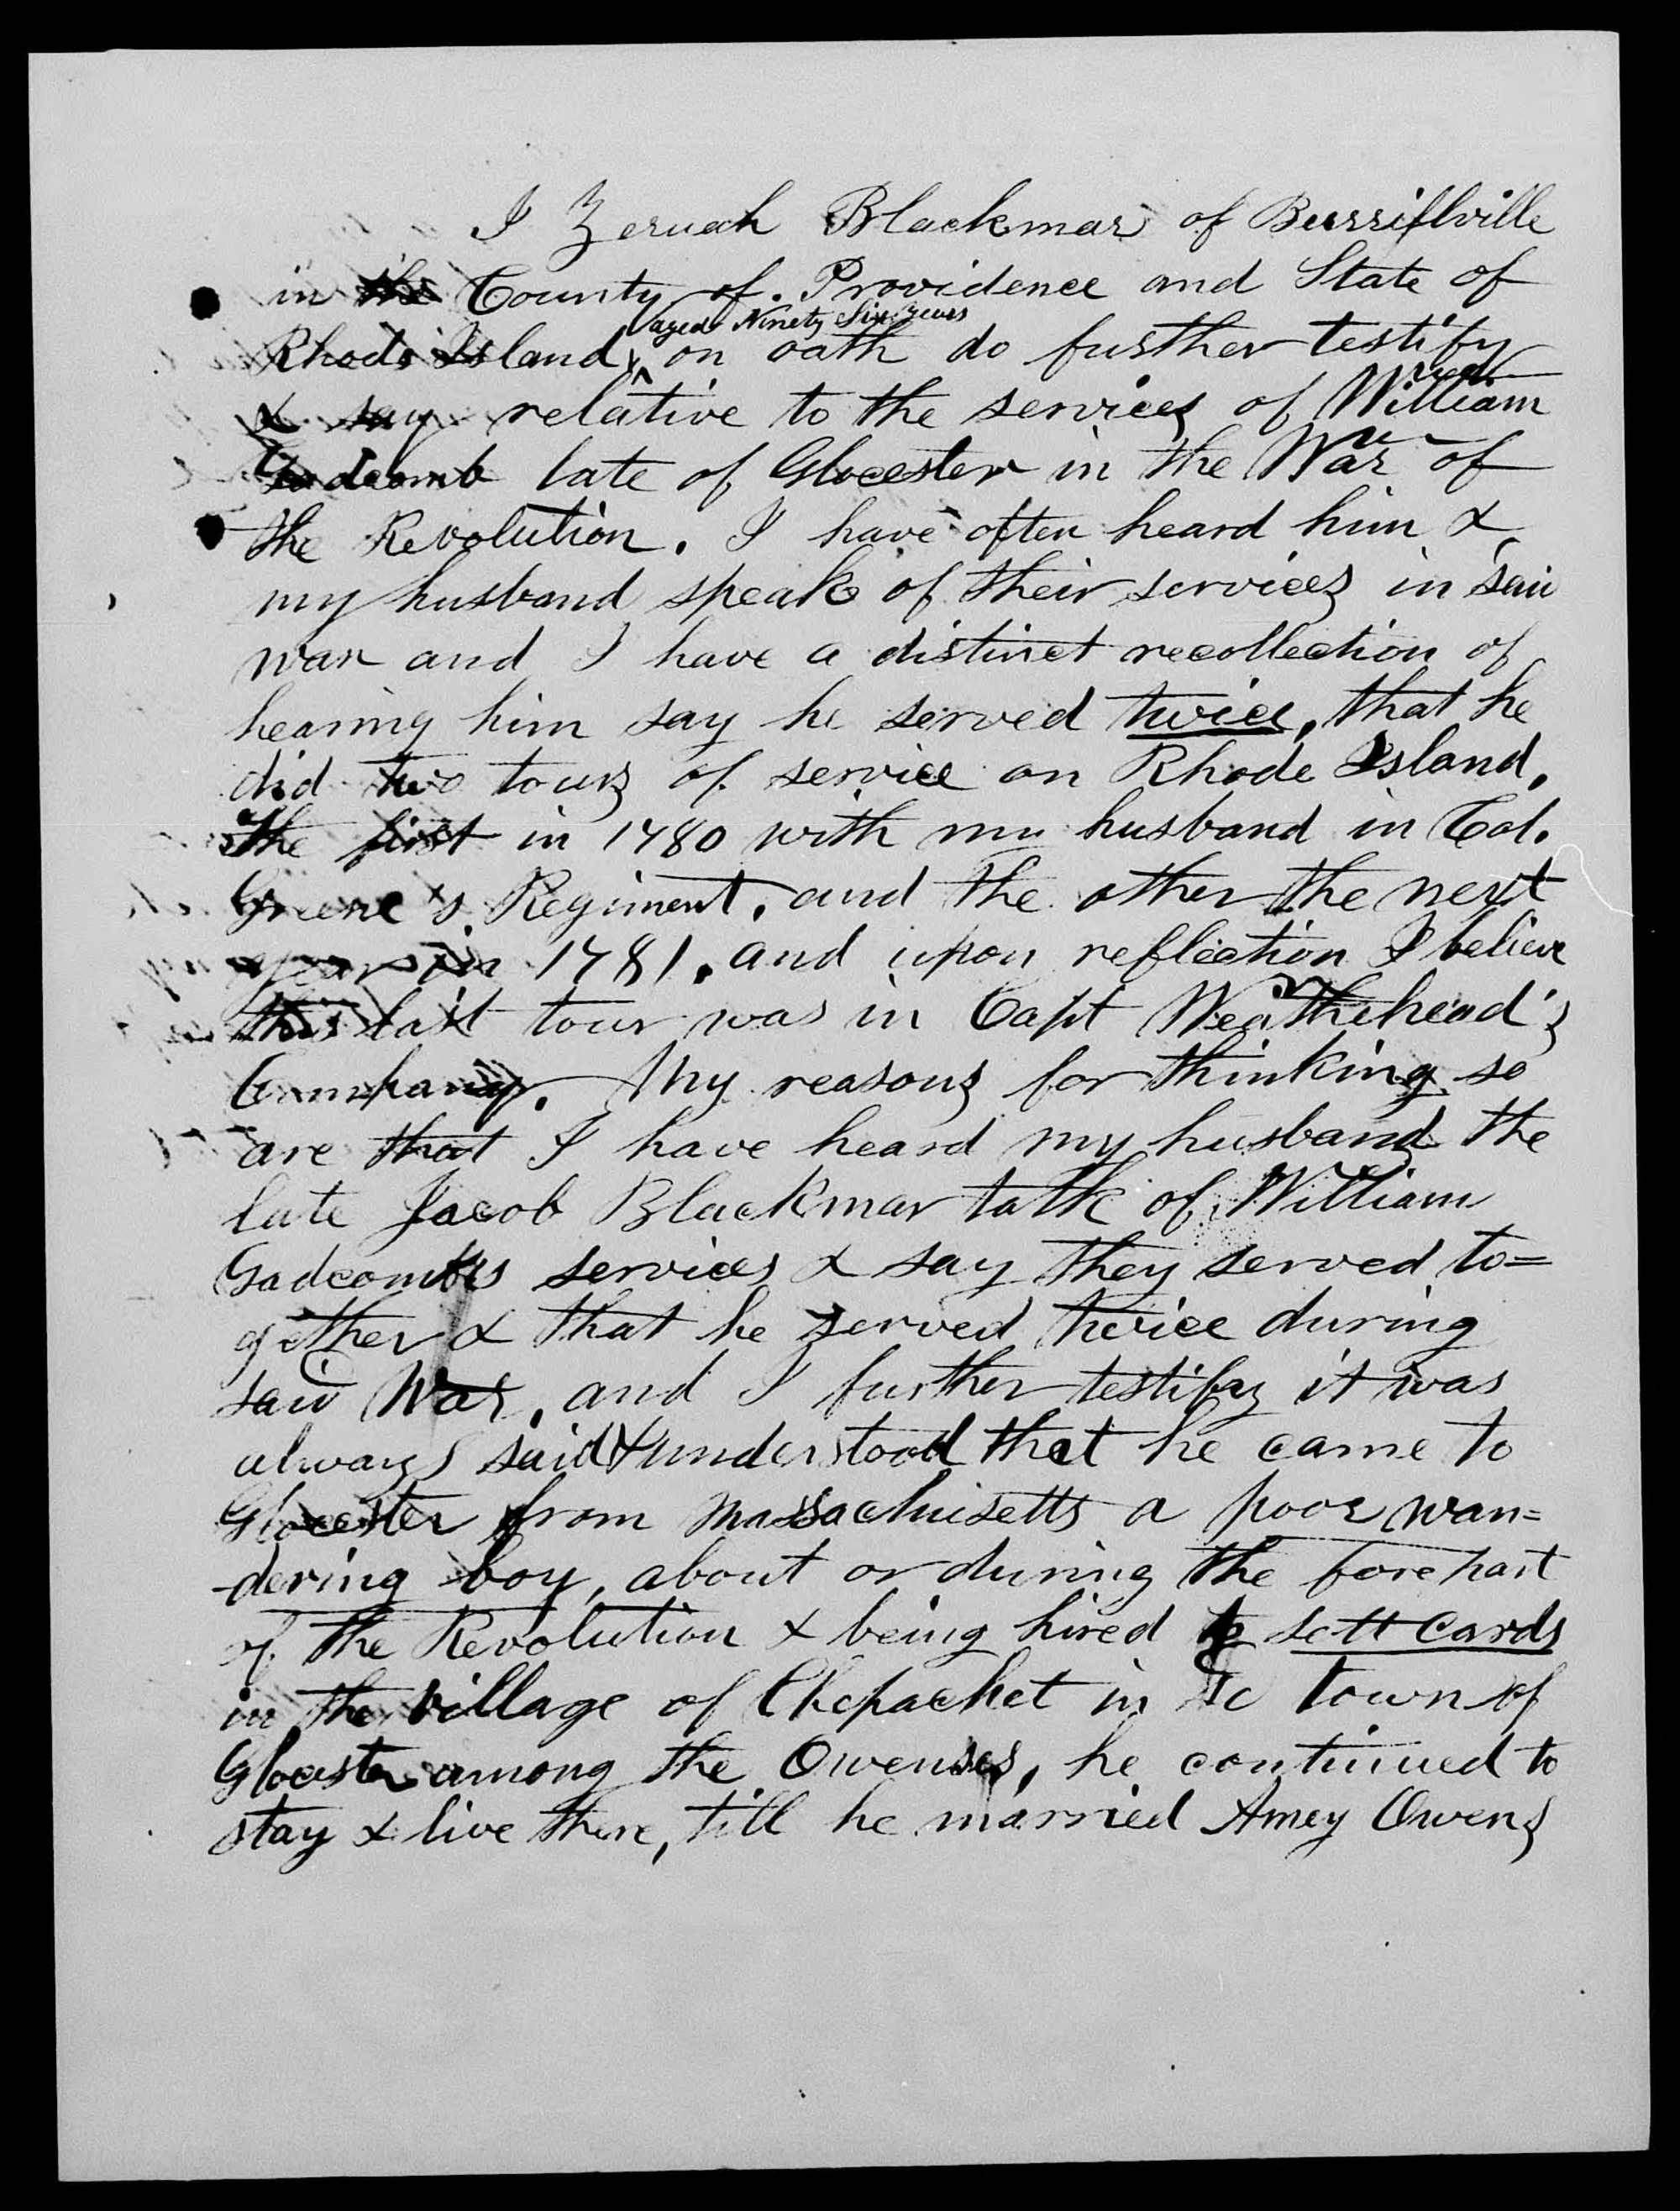I Aerucah Blackmar of Burrillville in the County of Providence and State of Rhode Island aged Ninety Six Years on oath do further testify & say relative to the services of William Gadcomb late of Glocester in the War of the Revolution. I have often heard him & my husband speak of their services in said war and I have a distinct recollection of hearing him say he served twice. That he did two tours of service on Rhode Island. The first in 1780 with my husband in Col. Greene's Regiment and the other the next year in 1781, and upon reflection I believe this last tour was in Capt. Weatherhead's Company. My reasons for thinking so are that I have heard my husband the late Jacob Blackmar talk of William Gadcomb's services & say they served together & that he served twice during said War, and I further testify it was always said & understood that he came to Glocester from Massachusetts a poor wandering boy, about or during the forepart of the Revolution & being hired to [illegible] in the village of Chepachet in sd. town of Glocester among the Owenses. He continued to stay & live ther, till he married Amey Owens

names: William Gadcomb, William Gadcomb, Amey Owens, Jacob Blackmar, Zeruah Blackmar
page: 39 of 76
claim: widow's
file: W. 15,517, William Gadcomb, R.I.